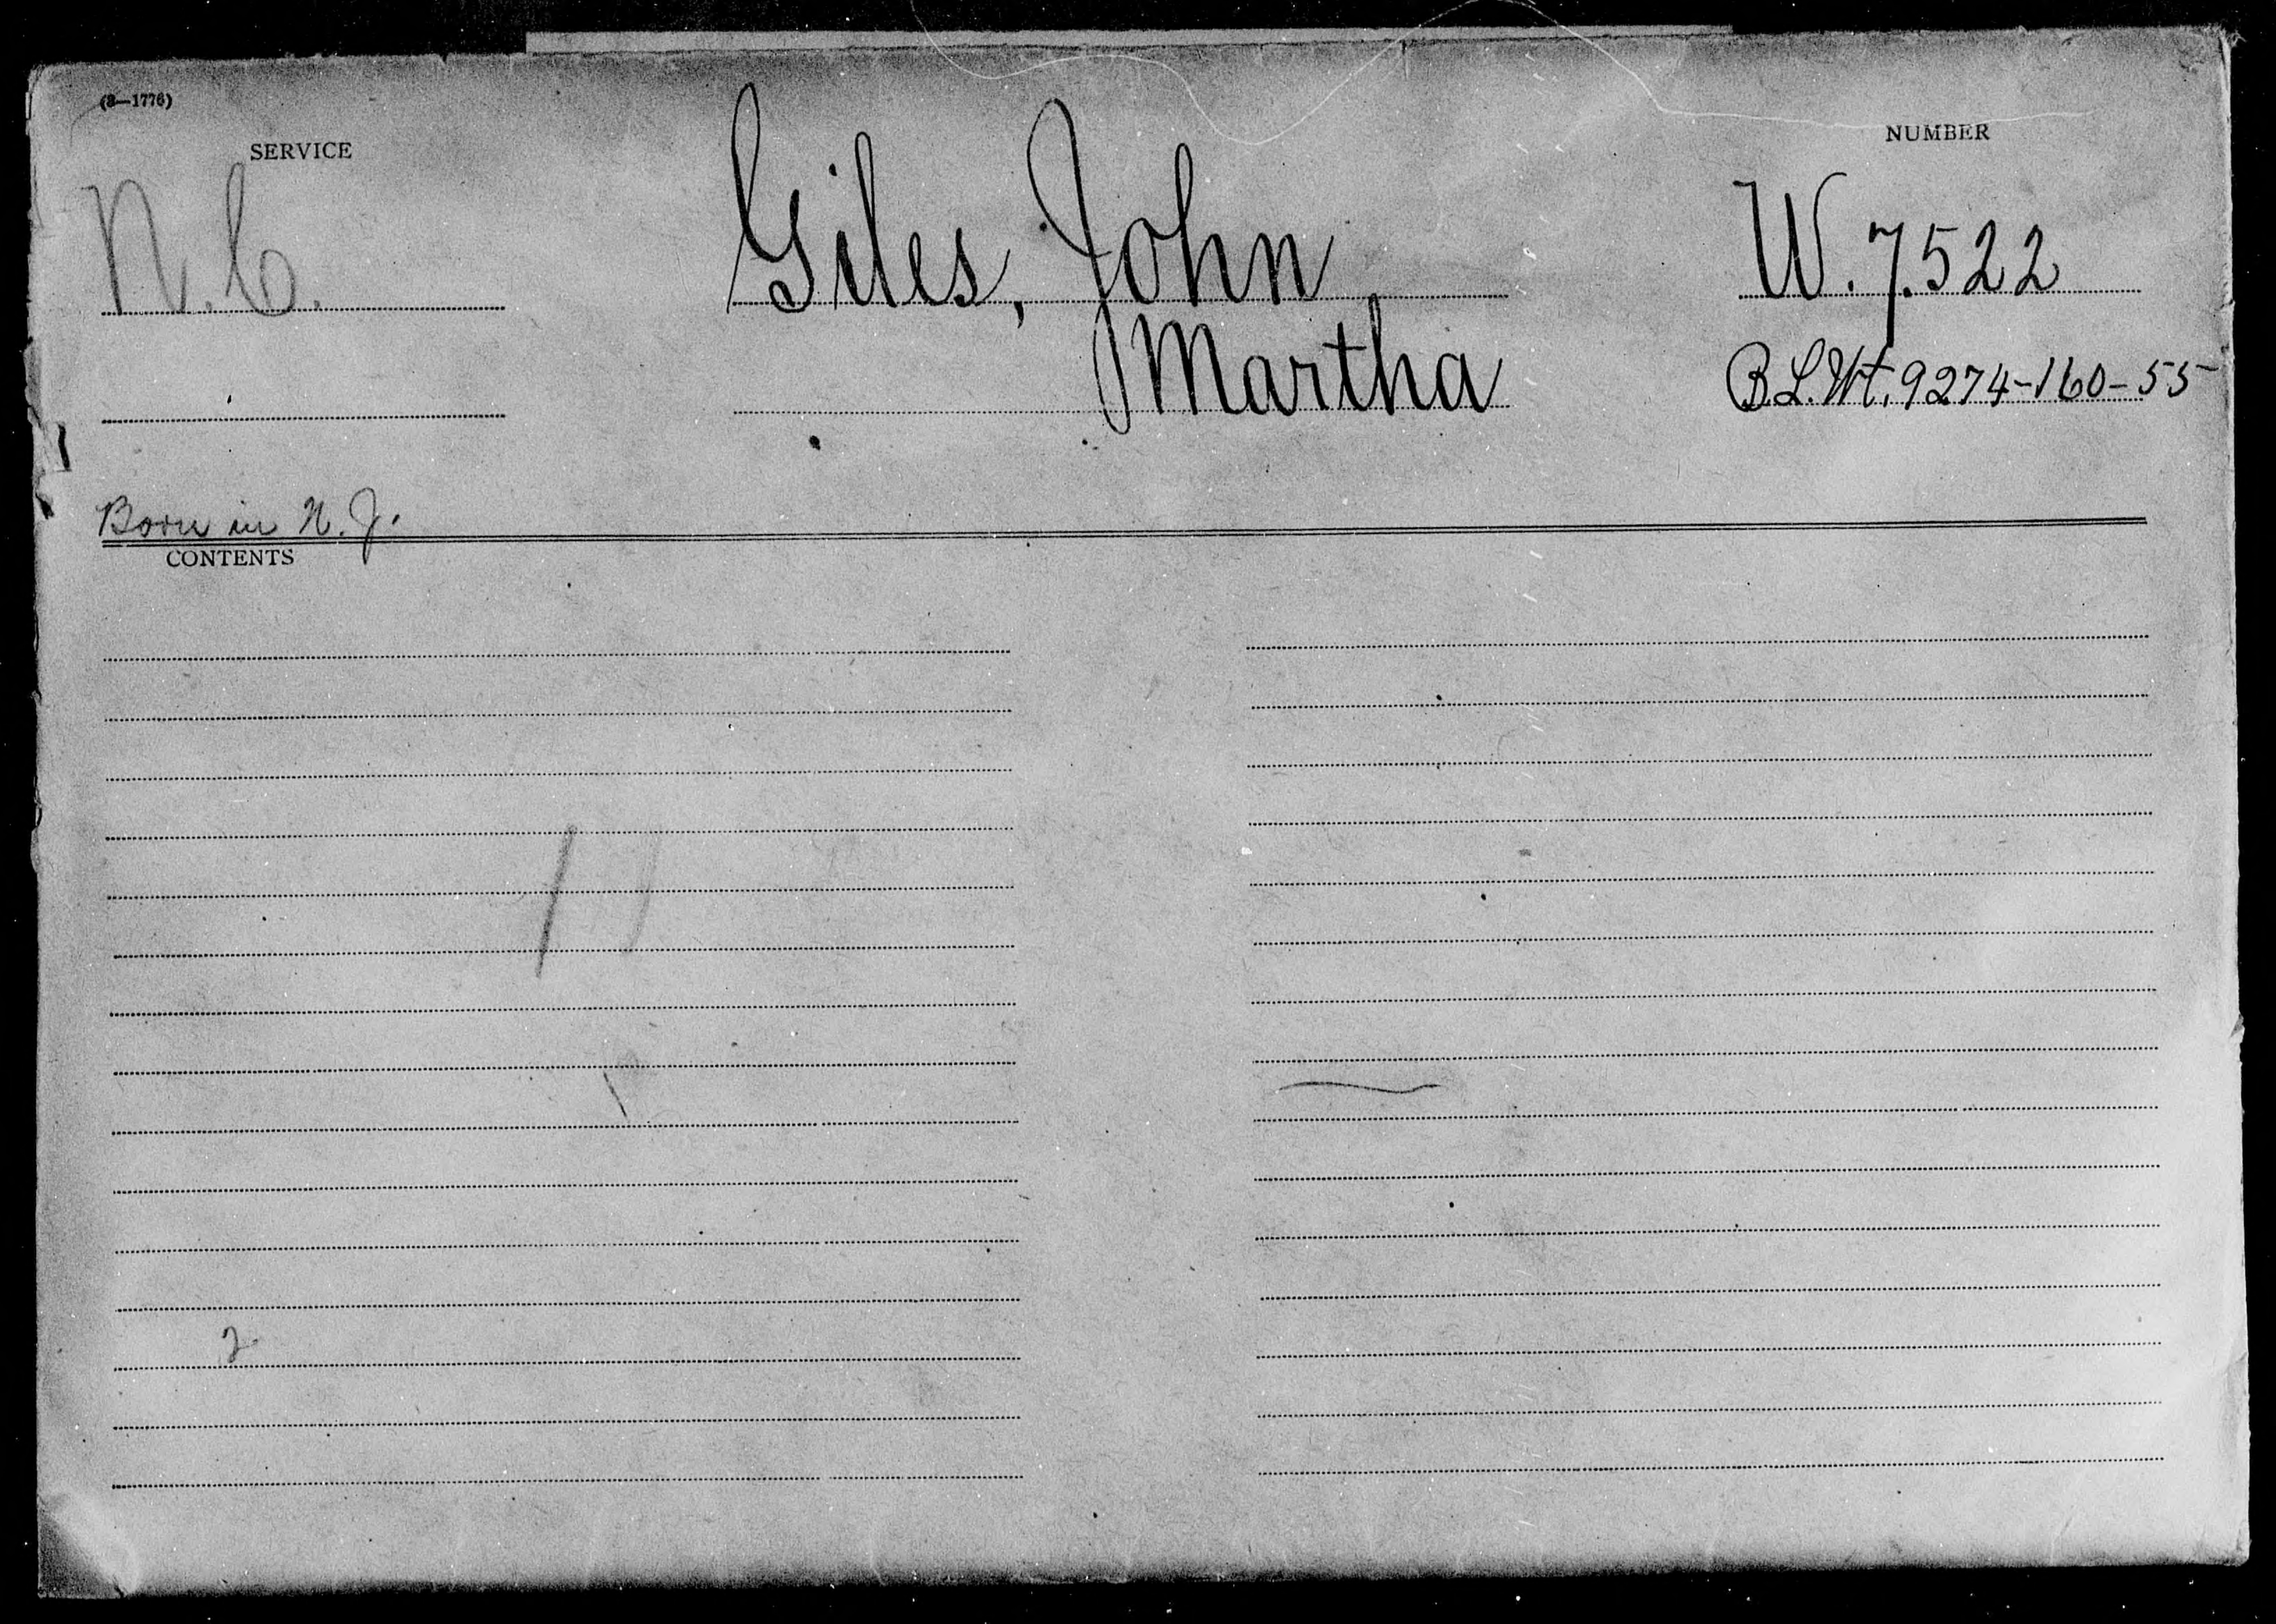3-1776
SERVICE
N. C.
Giles, John
NUMBER
W.7.522
Martha
B.L. Wt. 9274-160-55
Martha
Born in N. J.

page: 1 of 82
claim: widow's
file: W. 7,522, John Giles, N.C.